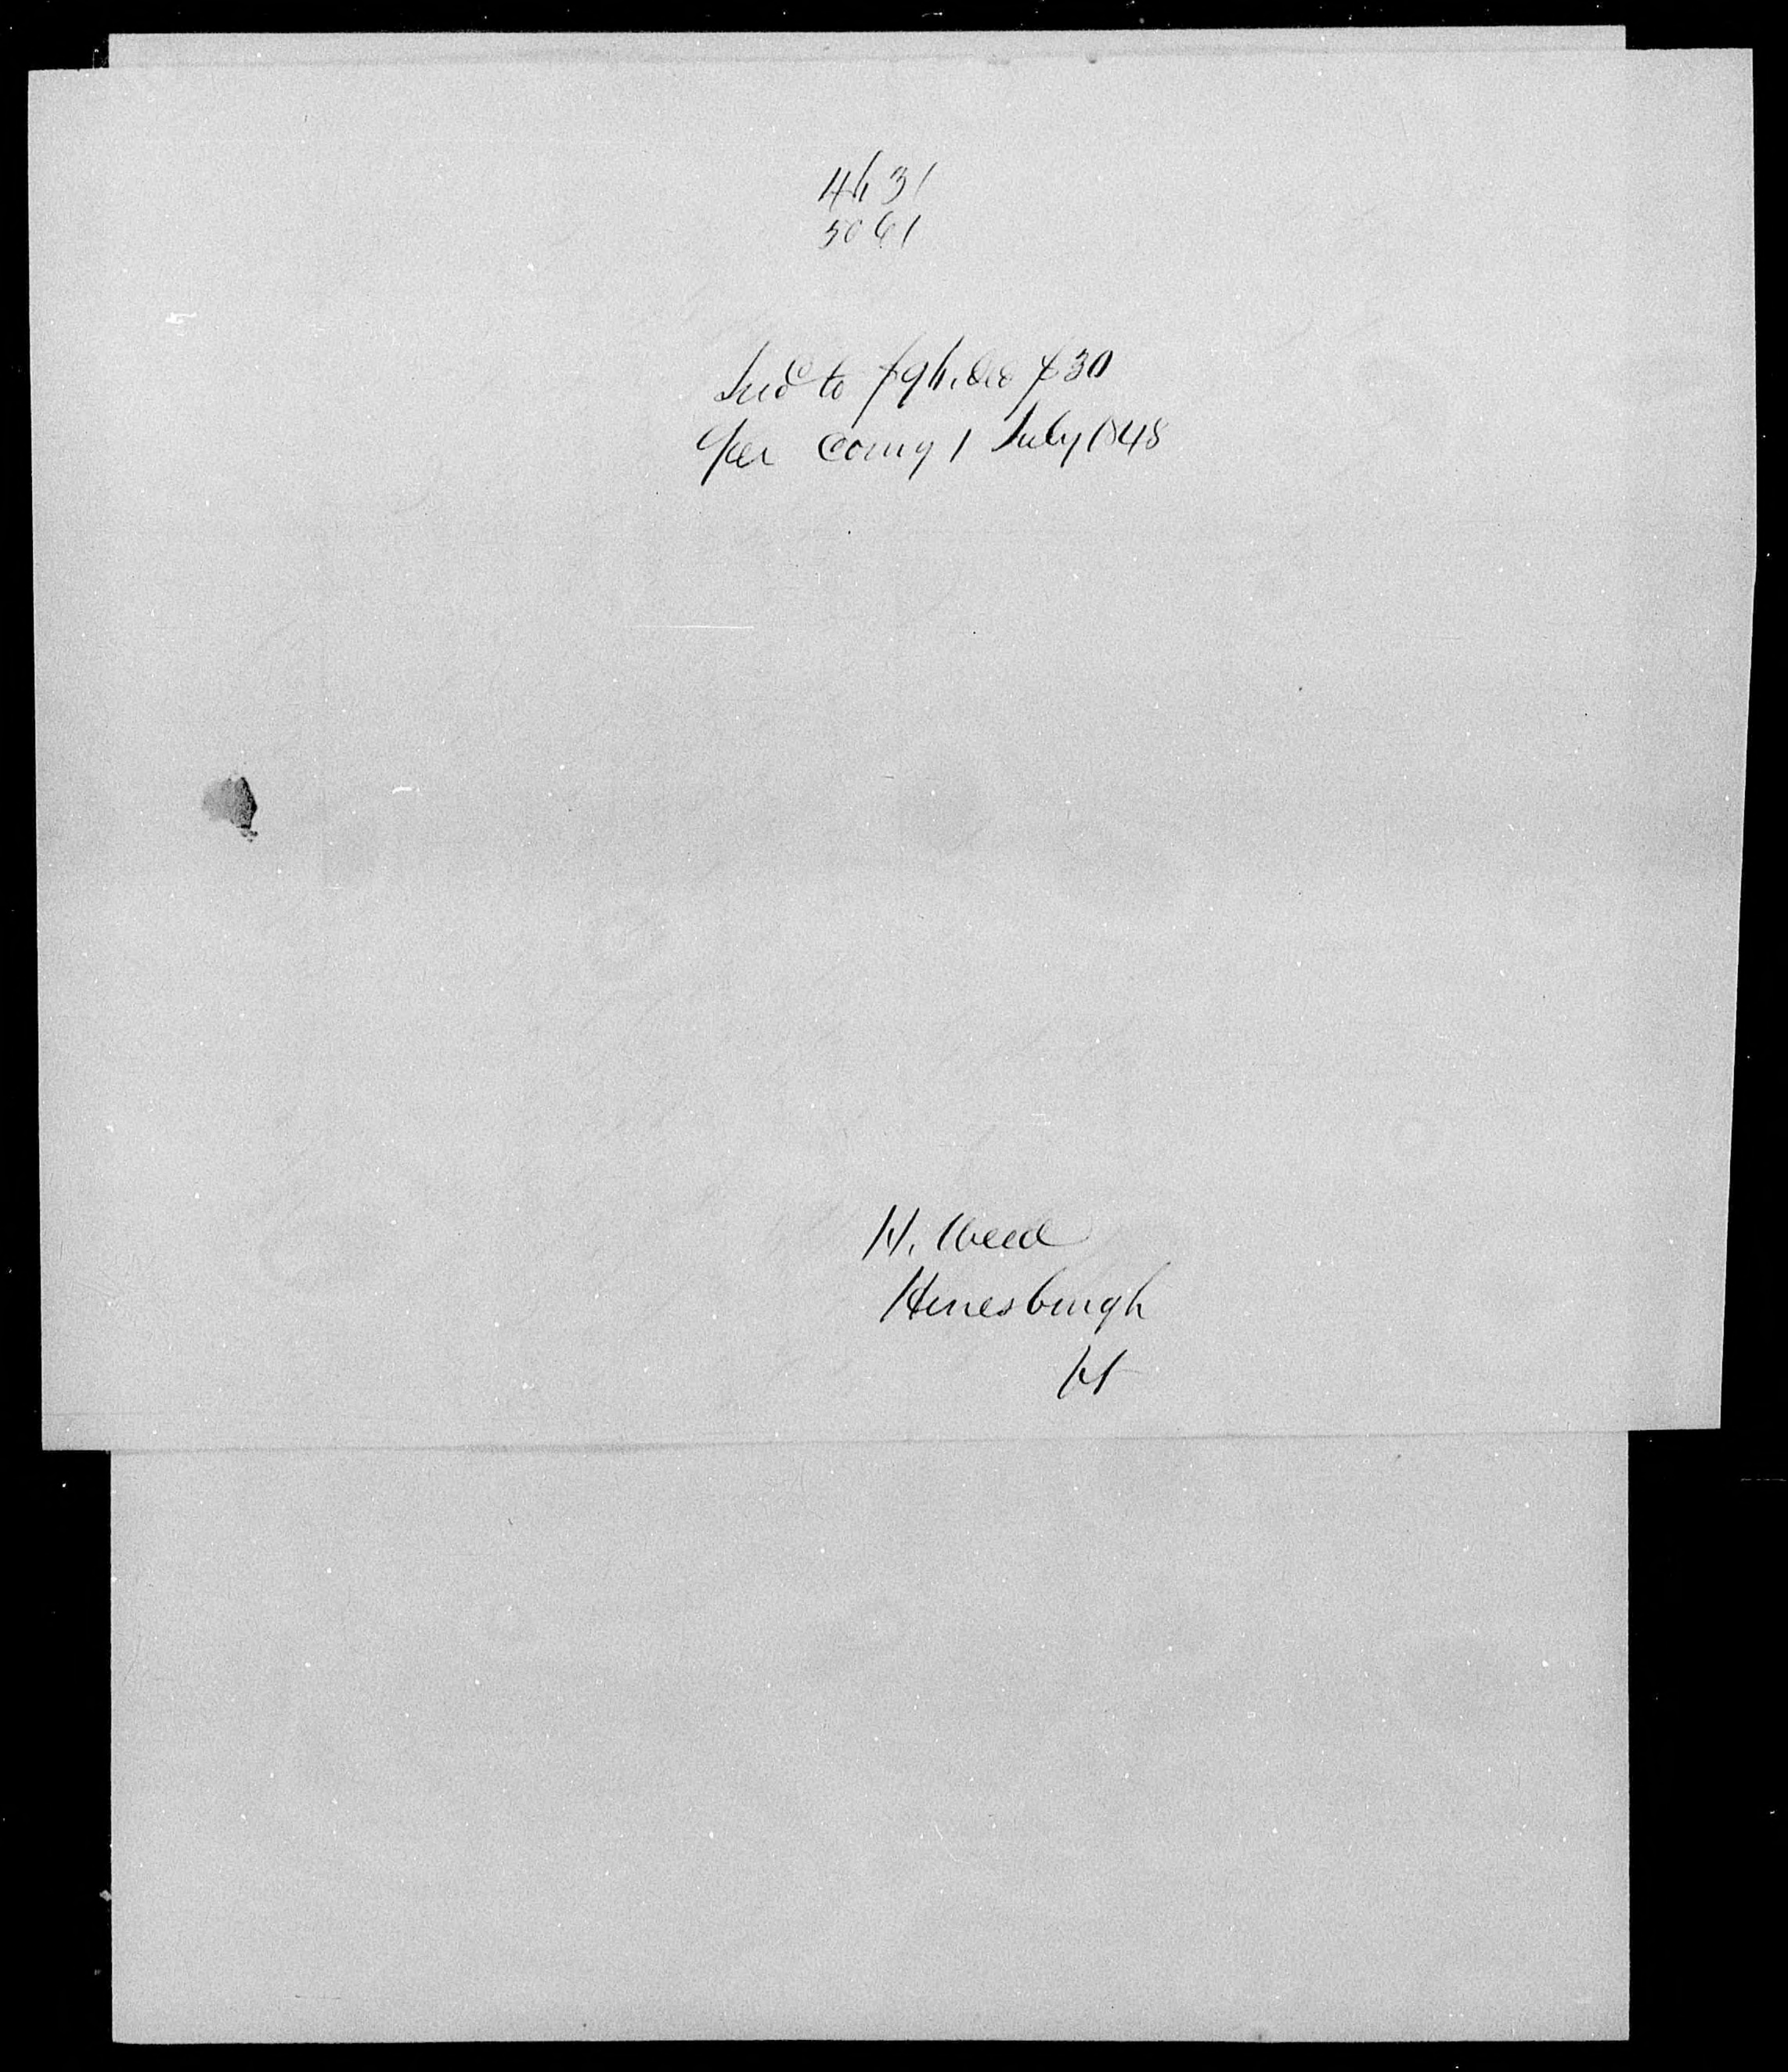4431
5061
due to $96.00 $30
[illegible] 1 July 1848
H. Weed
Hinesburgh
Vt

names: H Weed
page: 36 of 40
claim: widow's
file: W. 15168, for Foster Paige, Massachusetts